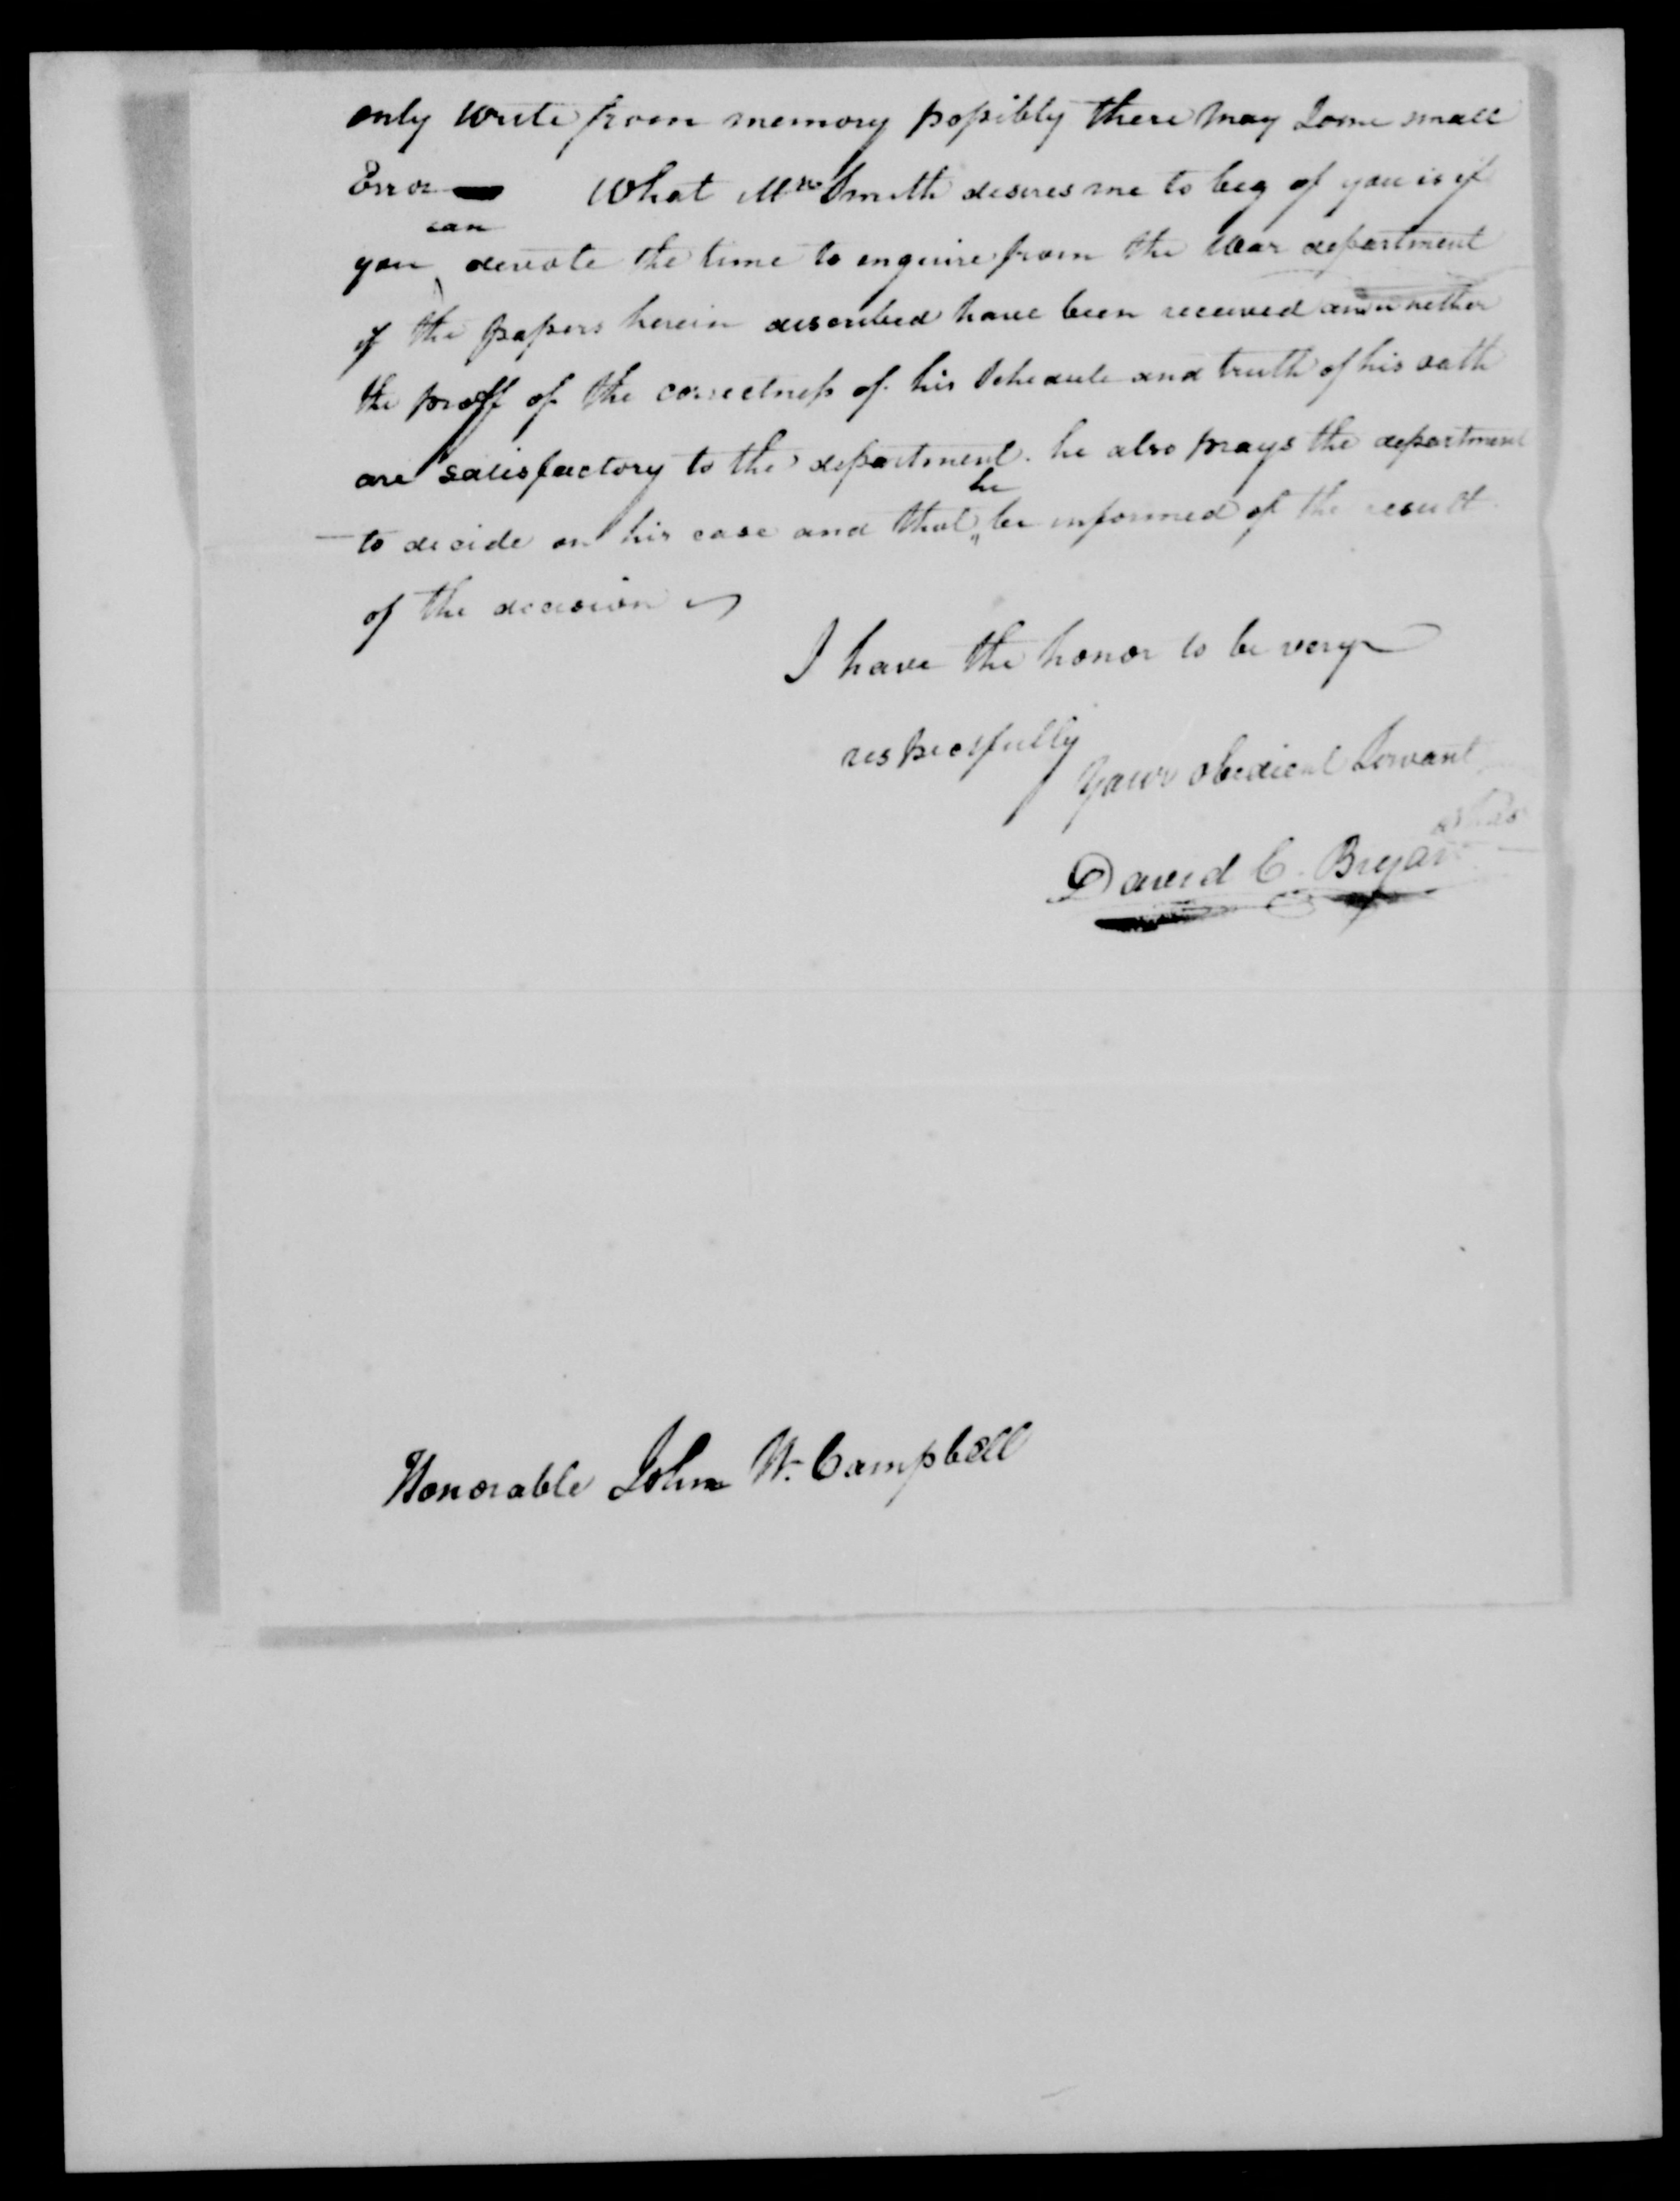only write from memory possibly there may some small error - What Mr Smith desires me to beg of you is if you can devote the time to inquire from the War department of the papers herein subscribed have been received and in neither the proff [sic] of the correctness of his schedule and truth of his oath are satisfactory to the department. he also prays the department to decide on his case and that he be informed of the result of the decision I have the honor to be very respectfully Your obedient Servant [signature:] David C. Bryan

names: David C Bryan; [BLANK] Smith; John W Campbell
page: 39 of 66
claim: survivor's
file: S 40458, for Obadiah Smith, New York